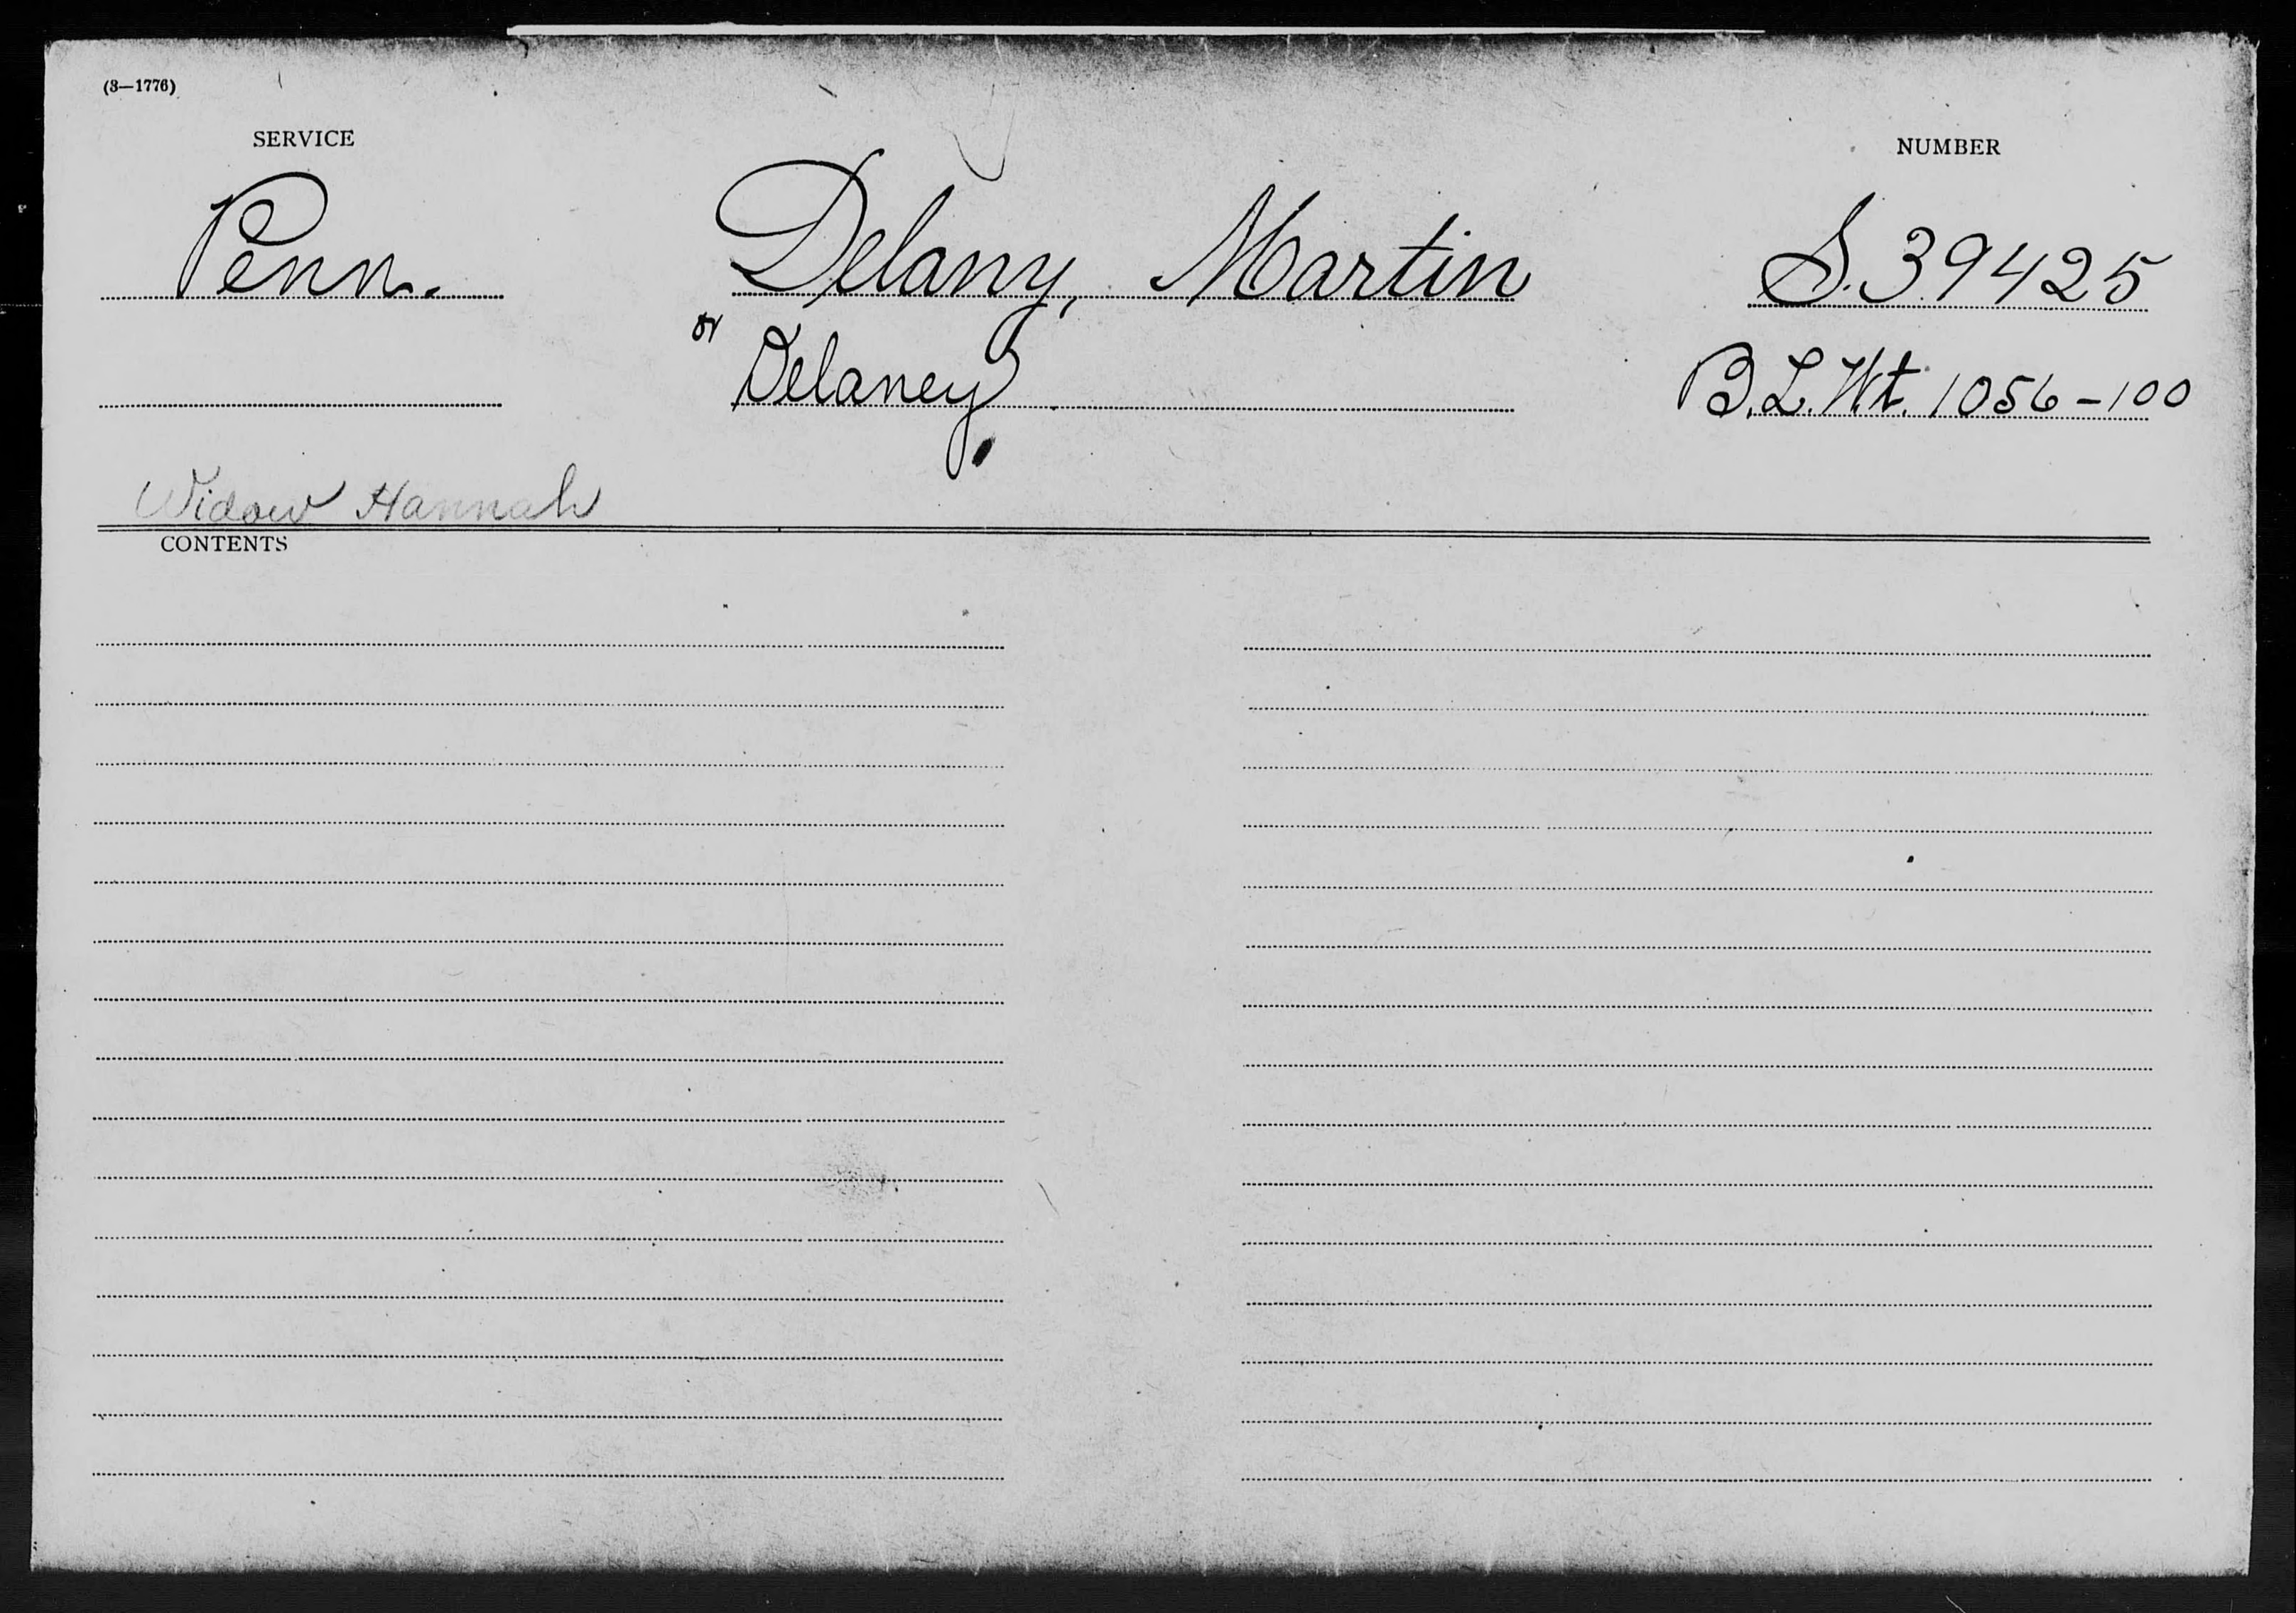(3-1776)
SERVICE.                                              NUMBER
Penn.        Delany, Martin.                   S.39425
            Or  Delaney.                     B.L.Wt.1056-100
——————
Widow Hannah
===================================
CONTENTS


(15 blank lines)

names: Hannah, Martin Delaney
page: 1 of 22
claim: survivor's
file: S. 3,9425, Martin Delany, Penn.